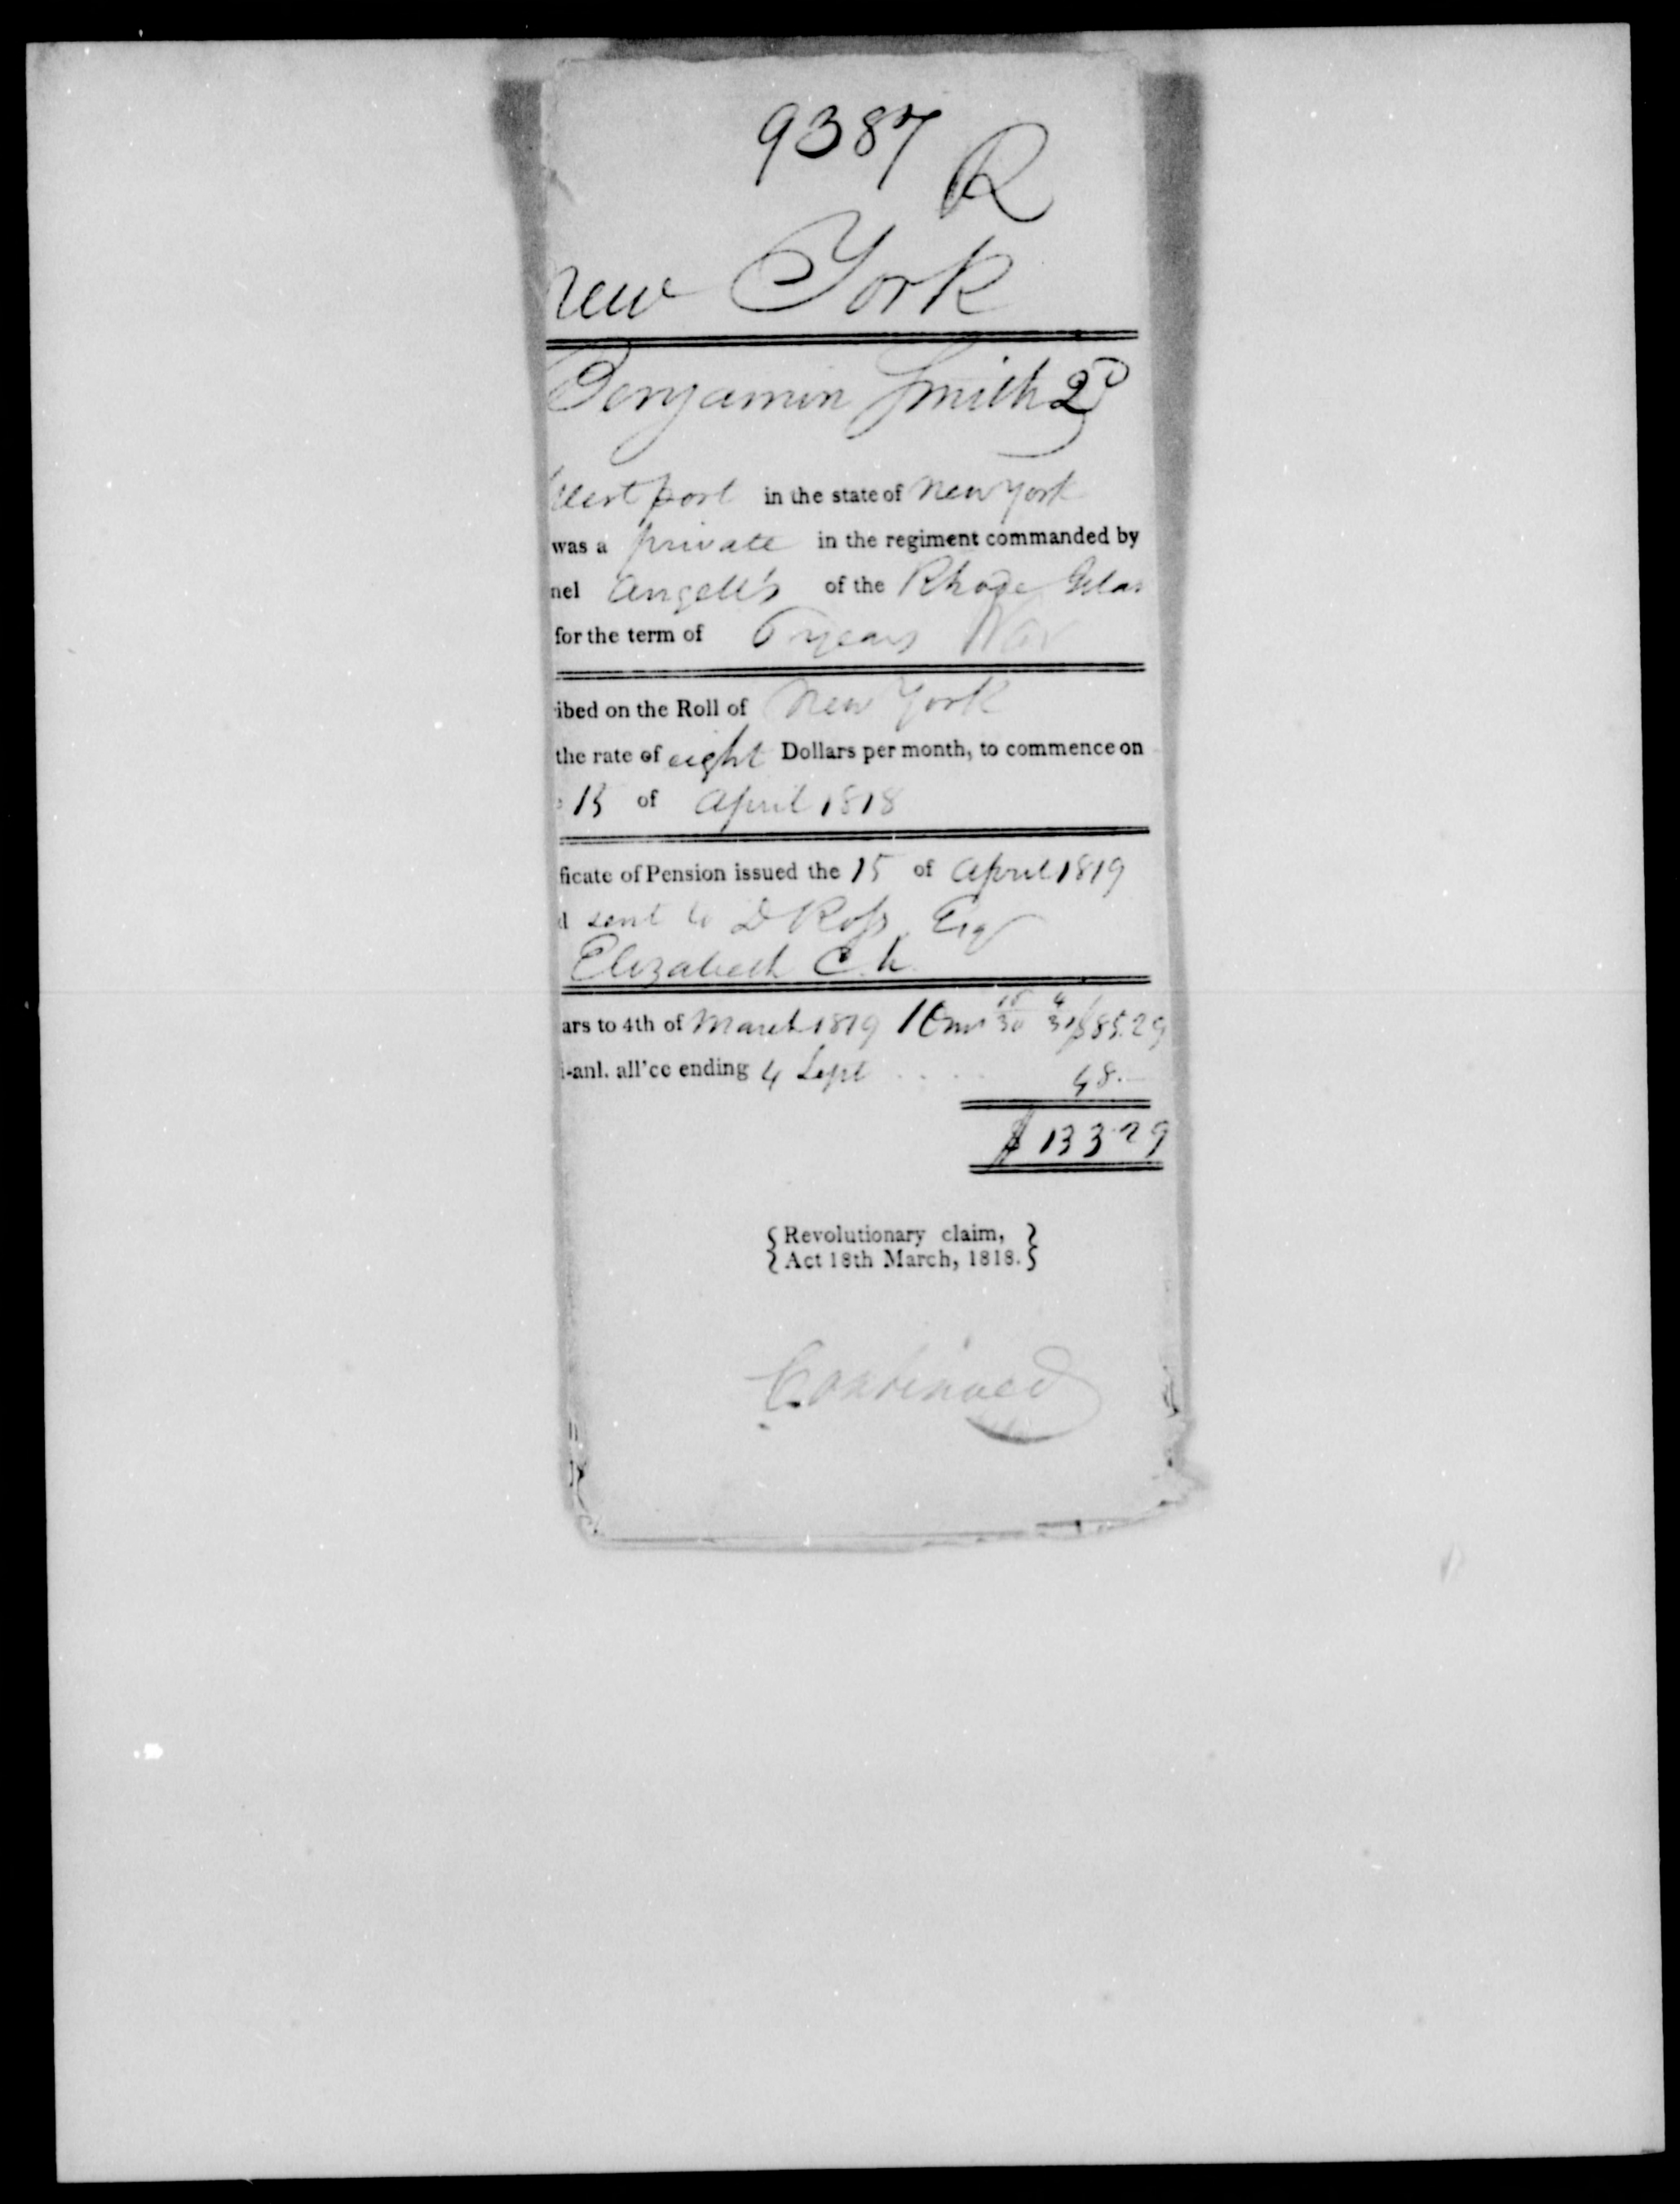9387
New
York
Benjamin Smith 2d
Westport in the state of New York
was a private in the regiment commanded by
Cornel Angell's of the Rhode Island
for the term of 6 years a
ribed on the Roll of New York
the rate of eight Dollars per month, to commence on the
of April 1818
certificate of Pension issued the 15 of April 1819
sent to D Rojs, Esq
Elizabeth C.k.
ars to 4th of March 1819 
/ [not legible] One 15/31  $85.29
anl, all'ce ending 4 Sept.
48.
$133.29
Revolutionary claim,
Act 18th March, 1818.}
Convened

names: [BLANK] Angell; Benjamin Smith; D Ross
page: 2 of 16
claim: survivor's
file: S. 42341, for Benjamin Smith, Rhode Island